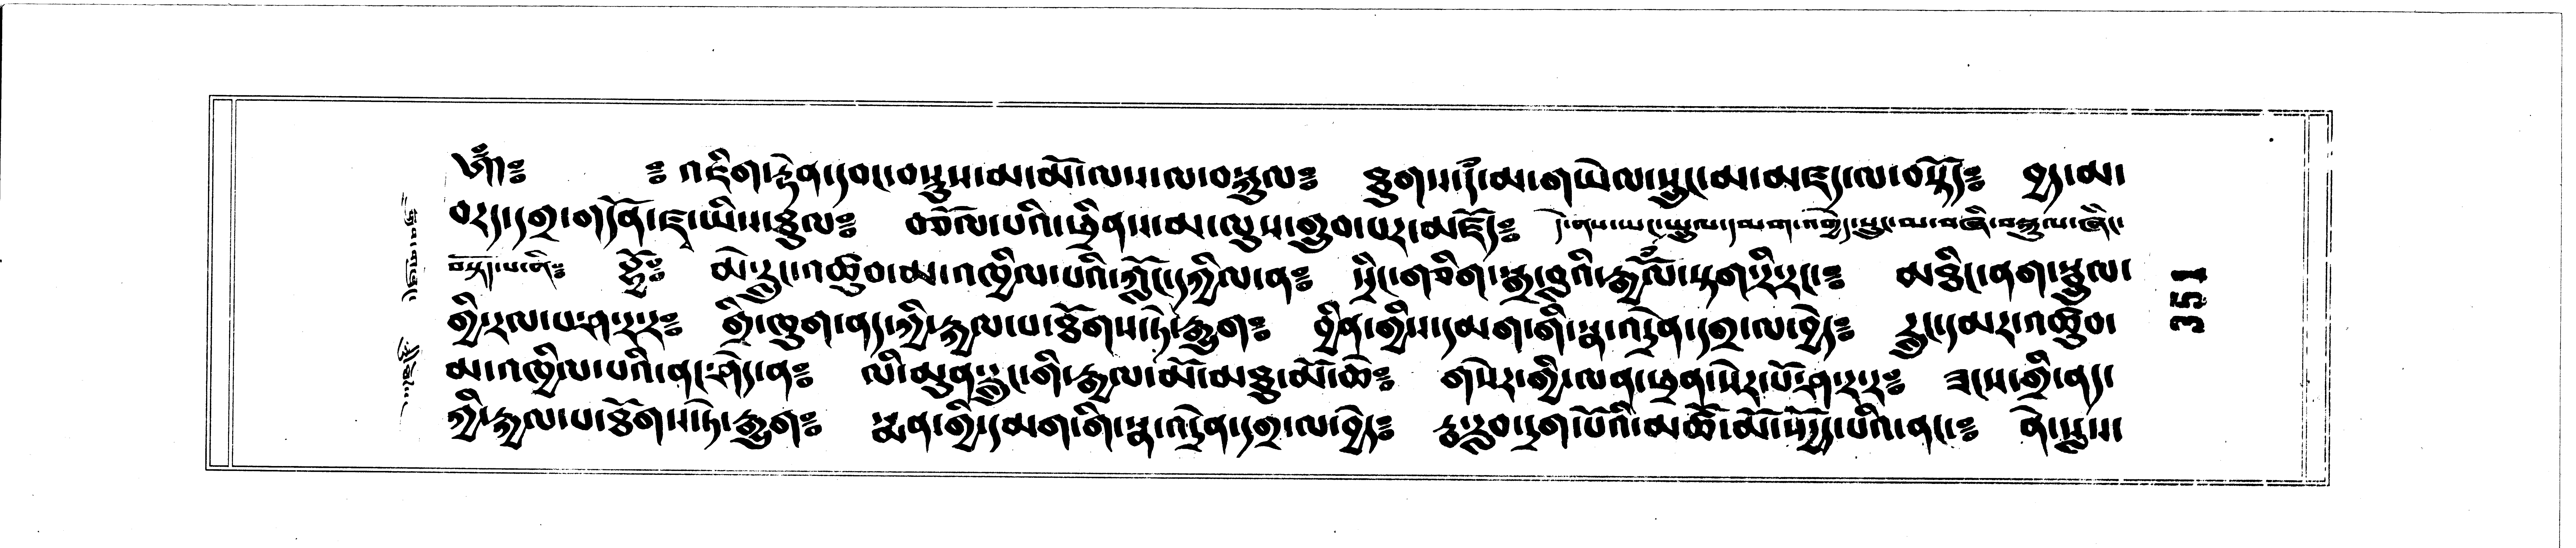༔འཇིག་རྟེན་དབང་བསྡུས་མ་མོ་ལས་ལ་བསྐུལ༔ ཐུགས་དམ་མ་གཡེལ་སྲུང་མ་མཛད་ལ་བསྟོད༔ བྱད་མ་
བར་ཆད་དགྲ་གདོན་ཛྭ་ཡིས་ཐུལ༔ བཅོལ་བའི་ཕྲིན་ལས་མ་ལུས་གྲུབ་པར་མཛོད༔ དེ་ནས་ཡང་སྤྲུལ་དམག་འགྱེད་སྲུང་མ་བཞི་བསྐུལ་ཞིང་
བསྟོད་པ་ནི༔ བྷྱོ༔ མེ་རླུང་འཚུབ་མ་འཁྱིལ་པའི་ཀློང་དཀྱིལ་ན༔ སྲིང་གཅིག་སྒྲ་བླའི་རྒྱལ་མོ་སྟག་རི་རོང་༔ མཐིང་ནག་སྦྲུལ་
གྱི་རལ་པ་ཤ་ར་ར༔ གྲི་ཁུག་ནད་ཀྱི་རྐྱལ་པ་ཐོགས་ཏེ་རྒྱུག༔ བྱིན་གྱིས་དམག་གི་སྣ་འདྲེན་དགྲ་ལ་བྱེད༔ རླུང་དམར་འཚུབ་
མ་འཁྱིལ་པའི་ནང་ཤེད་ན༔ ལི་མུན་རླུང་གི་རྒྱལ་མོ་མཐུ་མོ་ཆེ༔ གསེར་གྱི་ལན་ཕྲན་སེར་པོ་ཤ་ར་ར༔ ཟངས་གྲི་ནད་
ཀྱི་རྐྱལ་པ་ཐོགས་ཏེ་རྒྱུག༔ སྨན་གྱི་དམག་གི་སྣ་འདྲེན་དགྲ་ལ་བྱེད༔ རྦ་རླབས་དྲག་པོའི་མཚོ་མོ་སྤྱོད་པའི་ནང༔ ནེ་སླས་